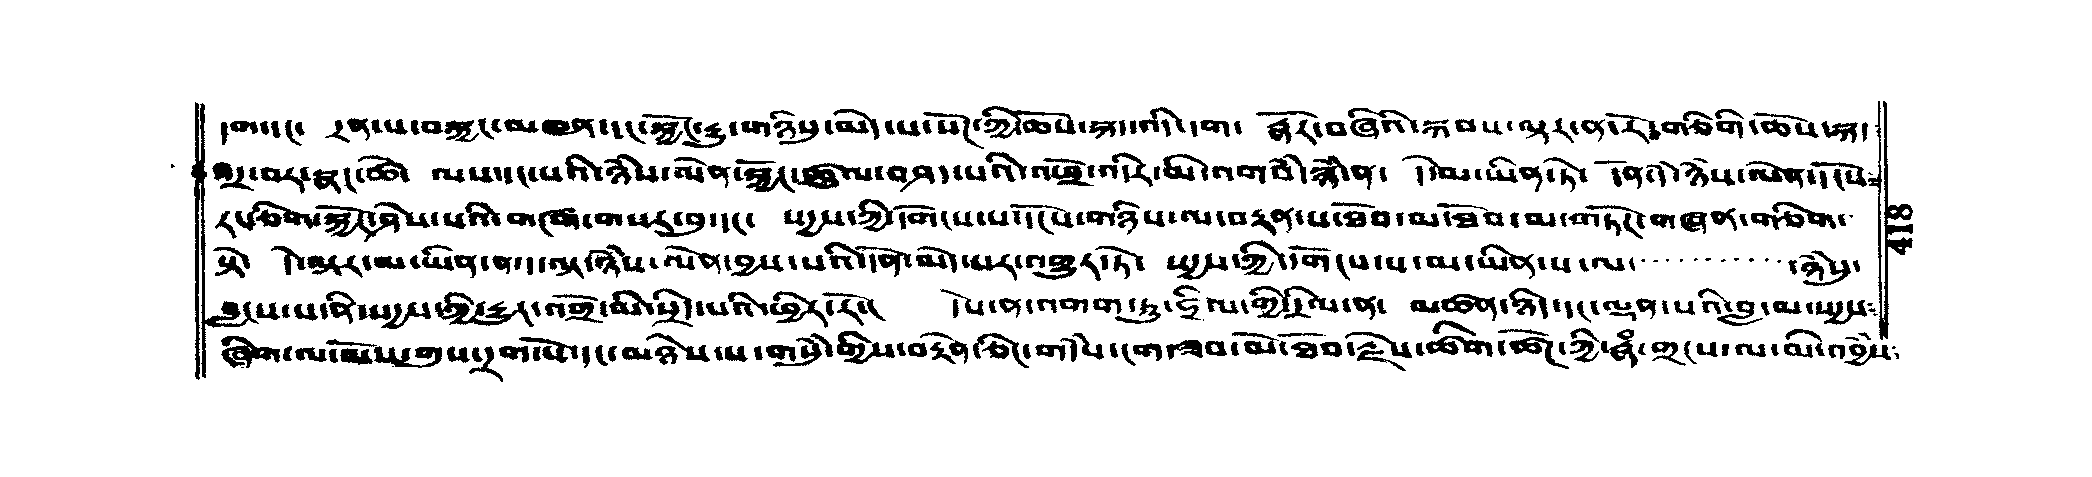དག་དང་། དྲན་པ་བསྐྱང་མཁན་དང་སྐྱོང་རྒྱུ་གཉིས་སུ་མེད་པ་སོགས་ཀྱི་ཆོས་སྐད་འདི་དག་རྣལ་འབྱོར་བཞིའི་སྐབས་ལྟར་ན་རོ་གཅིག་གི་ཆོས་སྐད་
འདྲ་བར་སྣང་ཚེ། ལས་དང་སའོ་ཉམས་ལེན་སྐྱོང་ཚུལ་བཤད་པའི་འཕྲོ་འདིར་མི་འགསམ་སྙམ་ན། དེ་མ་ཡིན་ཏེ། དོན་དམ་ཉམས་ལེན་དངོས་
རང་ཅིག་སྐྱོང་ཤེས་པའི་གདམས་ངག་གསར་བུ་དང་། སངས་རྒྱས་ཀྱི་དགོངས་པ་དངོས་གཉིས་ལ་བརྟན་པ་ཐོབ་མ་ཐོབ་མ་གཏོགས་གཞན་གཅིག་
སྟེ། དེ་ལྟར་མ་ཡིན་ན་ད་ལྟ་ཉམས་ལེན་བྱས་པའི་དོན་མེད་པར་འགྱུར་ཏེ། སངས་རྒྱས་ཀྱི་དགོངས་པ་མ་ཡིན་པ་ལ་ཉམས་སུ་
བླངས་པ་ནི་སངས་རྒྱས་ཀྱི་རྒྱུར་འགྲོ་མི་སྲིད་པའི་ཕྱིར་རོ། དེས་ན་འགག་ཏུ་ཧྲིལ་གྱི་དྲིལ་ན། མཚན་ཉིད་དང་ལྡན་པའི་བླ་མ་སངས་རྒྱས་
ཞིག་ལ་མོས་གུས་དྲག་པོ་དང་མཉེས་པ་་གསུམ་གྱིས་བརྟེན་ཅིང་གདམས་ངག་ཟབ་མོ་ཐོབ་རྗེས་ཚིག་ཚོགས་ཀྱི་རྣམ་གྲངས་ལ་མི་འབྱམས་